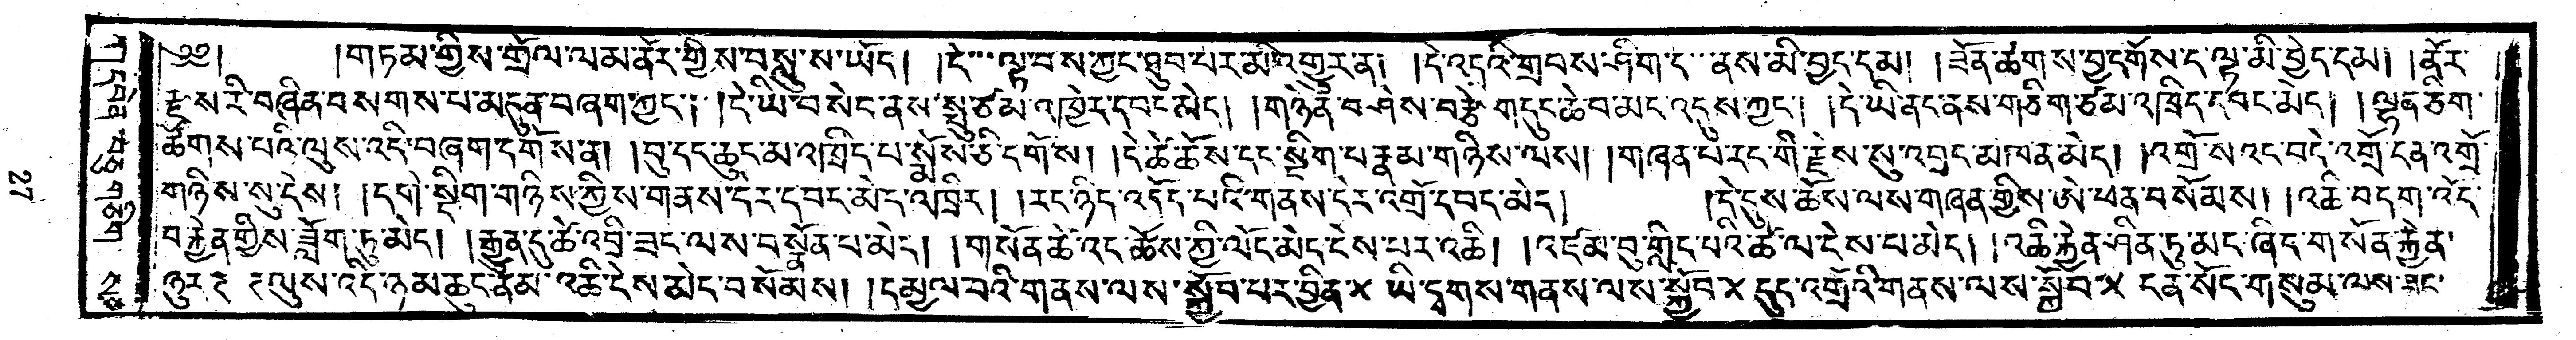༄༅། །གཏམ་གྱིས་གྲོལ་ལམ་ནོར་གྱིས་བསླུ་ས་ཡོད། །དེ་ལྟ་བས་ཀྱང་ཐུབ་པར་མི་འགྱུར་ན། །དེ་འདྲའི་གྲབས་ཤིག་ད་ནས་མི་བྱད་དམ། །ཟོན་ཚགས་བྱ་དགོས་ད་ལྟ་མི་བྱེད་དམ། །ནོར་
རྫས་རི་བཞིན་བསགས་པ་མདུན་བཞག་ཀྱང་། །དེ་ཡི་བསེང་ནས་སྤུ་ཙམ་འཁྱེར་དབང་མེད། །གཉེན་བཤེས་བརྩེ་གདུང་ཆེ་བ་མང་འདུས་ཀྱང་། །དེ་ཡི་ནང་ནས་གཅིག་ཙམ་འཁྲིད་དབང་མེད། །ལྷན་ཅིག་
ཚོགས་པའི་ལུས་འདི་བཞག་དགོས་ན། །བུ་དང་ཆུང་མ་འཁྲིད་པ་སྨོས་ཅི་དགོས། །དེ་ཚེ་ཆོས་དང་སྡིག་པ་རྣམ་གཉིས་ལས། །གཞན་པ་རང་གི་རྗེས་སུ་འབྲང་མཁན་མེད། །འགྲོ་སའང་བདེ་འགྲོ་ངན་འགྲོ་
གཉིས་སུ་དེས། །དགེ་སྡིག་གཉིས་ཀྱིས་གནས་དེར་དབང་མེད་འཁྲིར། །རང་ཉིད་འདོད་པའི་གནས་དེར་འགྲོ་དབང་མེད། །དེ་དུས་ཆོས་ལས་གཞན་གྱིས་ཨེ་ཕན་བསོམས། །འཆི་བདག་འོད་
བ་རྐྱེན་གྱིས་ཟློག་ཏུ་མེད། །རྒྱུན་དུ་ཚེ་འབྲི་ཟང་ལས་བསྣོན་པ་མེད། །གསོན་ཚེའང་ཆོས་ཀྱི་ལོང་མེད་ངེས་པར་འཆི། །འཛམ་བུ་གླིང་པའི་ཚེ་ལ་ངེས་པ་མེད། །འཆི་རྐྱེན་ཤིན་ཏུ་མང་ཞིང་གསོན་རྐྱེན།
ཉུར༑ ༑ལུས་འདི་ཉམ་ཆུང་ནམ་འཆི་ངེས་མེད་བསོམས། །དམྱལ་བའི་གནས་ལས་སྐྱོབ་པར་བྱིན་྾་ཡི་དྭགས་གནས་ལས་སྐྱོབ་྾་དུད་འགྲོའི་གནས་ལས་སྐྱོབ་྾་ངན་སོང་གསུམ་ལས་ཟང་